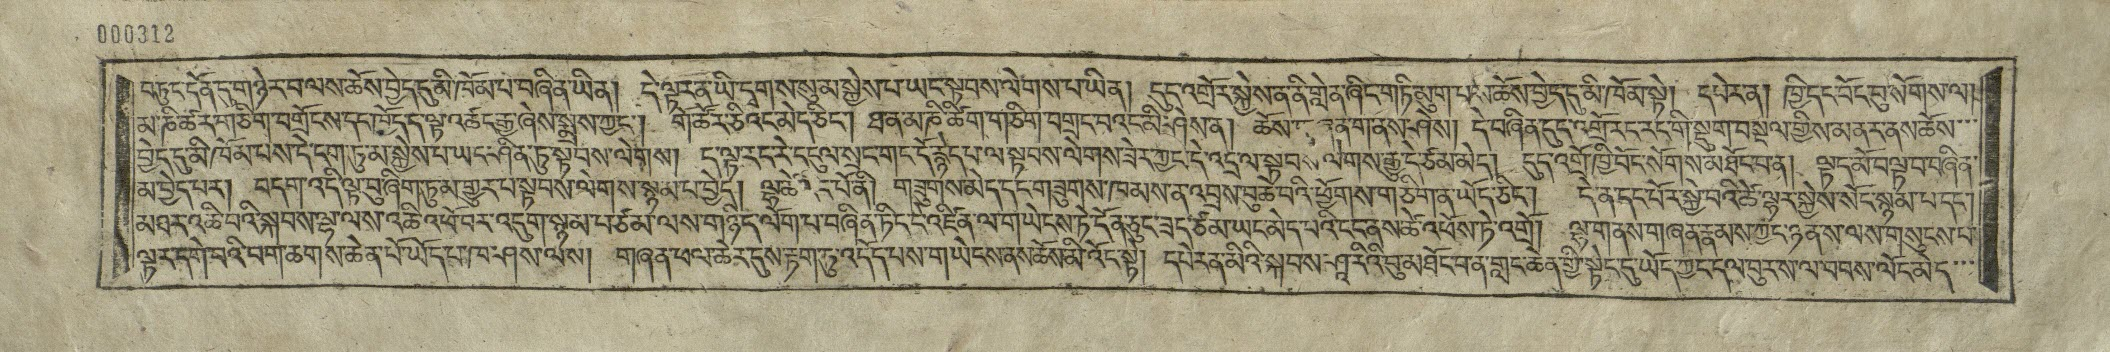བཏུང་དོན་དུ་གཉེར་བ་ལས་ཆོས་བྱེད་དུ་མི་ཁོམ་པ་བཞིན་ཡིན། དེ་ལྟར་ན་ཡི་དྭགས་སུ་མ་སྐྱེས་པ་ཡང་སྟབས་ལེགས་པ་ཡིན། དུད་འགྲོར་སྐྱེས་ན་ནི་གླེན་ཞིང་གཏི་མུག་པས་ཆོས་བྱེད་དུ་མི་ཁོམ་སྟེ། དཔེར་ན། ཁྱི་དང་བོང་བུ་སོགས་ལ།
མ་ཎི་ཚར་གཅིག་བགྲོངས་དང་ཁྱོད་ད་ལྟ་འཚང་རྒྱ་ཞེས་སྨྲས་ཀྱང་། གོ་ཚོར་ཅིའང་མེད་ཅིང་། ཐ་ན་མ་ཎི་ཚིག་གཅིག་བགྲང་བའང་མི་ཤེས་ན། ཆོས་གཞན་ག་ནས་ཤེས། དེ་བཞིན་དུད་འགྲོ་རང་རང་གི་སྡུག་བསྔལ་གྱིས་མནར་ནས་ཆོས་
བྱེད་དུ་མི་ཁོམ་པས་དེ་དག་ཏུ་མ་སྐྱེས་པ་ཡང་ཤིན་ཏུ་སྟབས་ལེགས། ད་ལྟ་རང་རེ་དངུལ་སྲང་གང་དོ་རྙེད་པ་ལ་སྟབས་ལེགས་ཟེར་ཀྱང་དེ་འདྲ་ལ་སྟབས་ལེགས་རྒྱུ་དེ་ཙམ་མེད། དུད་འགྲོ་ཁྱི་བོང་སོགས་མཐོང་བ་ན། ལྟད་མོ་བལྟ་བ་བཞིན་
མ་བྱེད་པར། བདག་འདི་ལྟ་བུ་ཞིག་ཏུ་མ་གྱུར་པ་སྟབས་ལེགས་སྙམ་པ་བྱེད། ལྷ་ཚེ་རིང་པོ་ནི། གཟུགས་མེད་དང་གཟུགས་ཁམས་ན་འབྲས་བུ་ཆེ་བའི་ཕྱོགས་གཅིག་ན་ཡོད་ཅིང་། དེ་ན་དང་པོར་སྐྱེ་བའི་ཚེ་ལྷར་སྐྱེས་སོང་སྙམ་པ་དང་།
མཐར་འཆི་བའི་སྐབས་ལྷ་ལས་འཆི་འཕོ་བར་འདུག་སྙམ་པ་ཙམ་ལས་གཉིད་ལོག་པ་བཞིན་ཏིང་ངེ་འཛིན་ལ་གཡེངས་ཏེ་དོན་ཅུང་ཟད་ཙམ་ཡང་མེད་པའི་ངང་ནས་ཚེ་འཕོས་ཏེ་འགྲོ། ལྷ་གནས་གཞན་རྣམས་ཀྱང་ཉན་ས་ལས་གསུངས་པ་
ལྟར་དགེ་བའི་བག་ཆགས་ཆེན་པོ་ཡོད་པ་ཁ་ཤས་ལས། གཞན་ཕལ་ཆེར་དུས་རྟག་ཏུ་འདོད་པས་གཡེངས་ནས་ཆོས་མི་འོང་སྟེ། དཔེར་ན་མིའི་སྐབས་ཤཱ་རིའི་བུ་མཐོང་བ་ན་གླང་ཆེན་གྱི་སྟེང་དུ་ཡོད་ཀྱང་དལ་བུར་ས་ལ་བབས་ལོང་མེད་